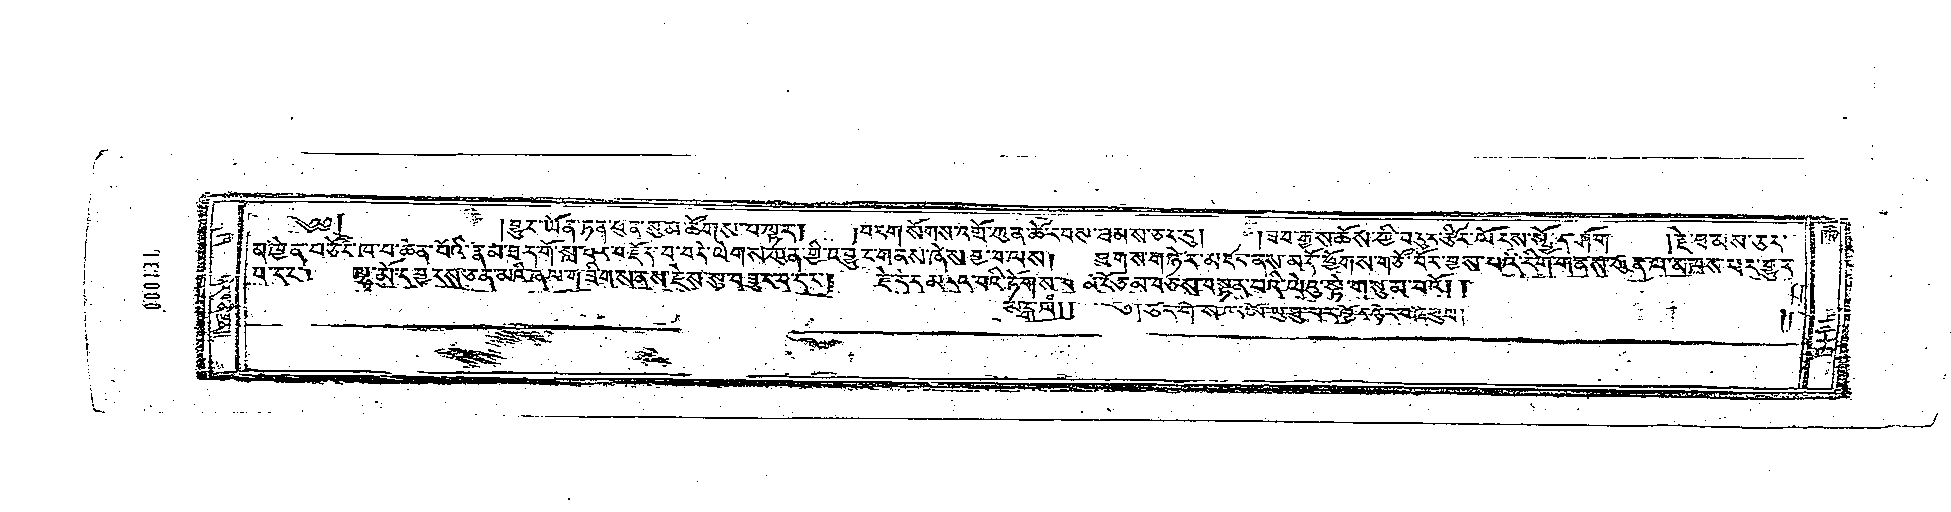༄༅། །བྱུང་ཡོན་ཏན་ཕུན་སུམ་ཚོགས་པ་ལྟར། །བདག་སོགས་འགྲོ་ཀུན་ཚེ་རབས་ཐམས་ཅད་དུ། །ཟབ་རྒྱས་ཆོས་ཀྱི་བདུད་རྩིར་ལོངས་སྤྱོད་ཤོག །རྗེ་ཐམས་ཅད་
མཁྱེན་པ་ཙོང་ཁ་པ་ཆེན་པོའི་རྣམ་ཐར་གོ་སླ་བར་བརྗོད་བ་བདེ་ལེགས་ཀུན་གྱི་འབྱུང་གནས་ཞེས་བྱ་བ་ལས། ཐུགས་གཉེར་མཛད་ནས་མདོ་ཕྱོགས་གཙོ་བོར་བྱས་པའི་རིག་གནས་ཀུན་ལ་མཁས་པར་གྱུར་
པ་དང་། ལྷ་མོ་དབྱངས་ཅན་མའི་ཞལ་གཟིགས་ནས་རྗེས་སུ་བཟུང་བ་དང་། རྗེ་རེད་མདའ་བའི་རྟོགས་པ་མདོ་ཙམ་བཅས་བསྟན་པའི་ལེའུ་སྟེ་གསུམ་པའོ།། །།
མངྒ་ལཾ།། །།